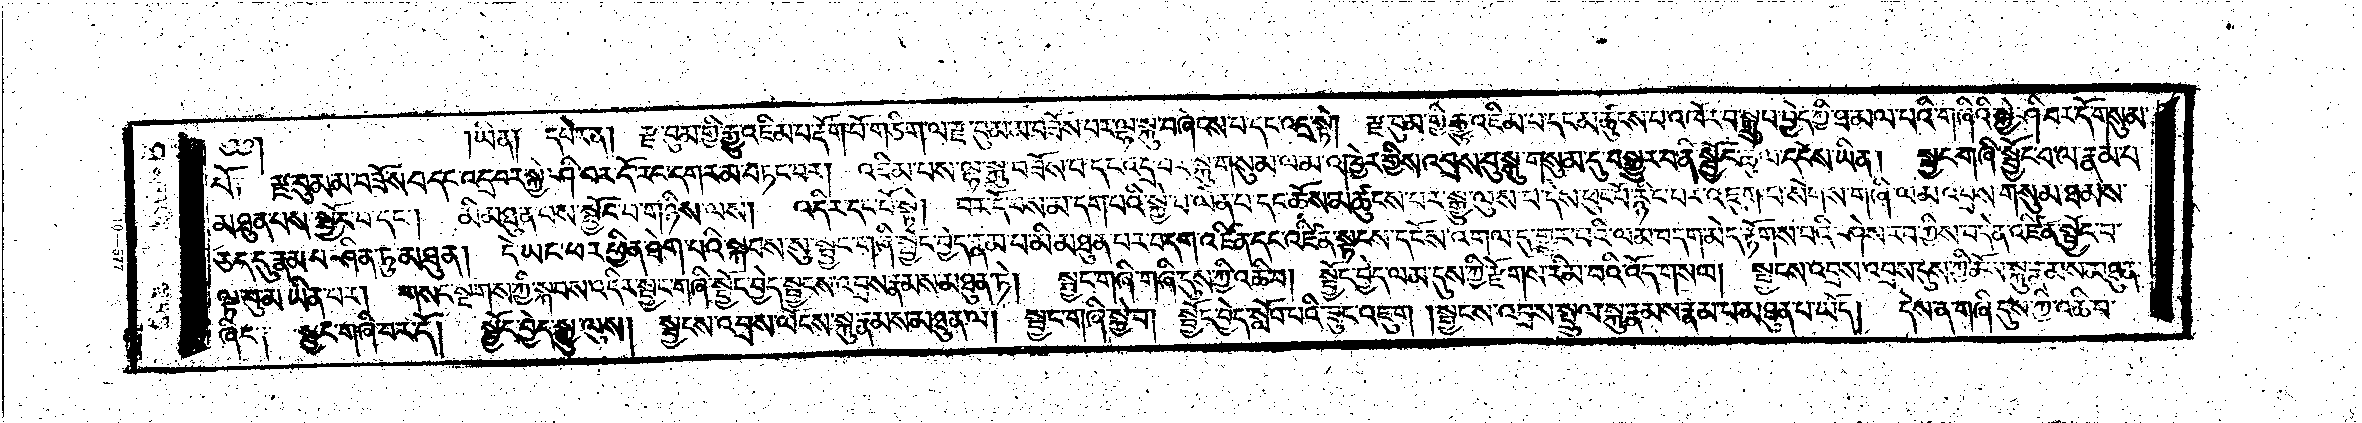༄༅། །ཡིན༑ དཔེར་ན། རྫ་བུམ་གྱི་རྒྱུ་འཇིམ་པ་རྡོག་པོ་གཅིག་ལ་རྫ་བུམ་མ་བཟོས་པར་ལྷ་སྐུ་བཞེངས་པ་དང་འདྲ་སྟེ། རྫ་བུམ་གྱི་རྒྱུ་འཇིམ་པ་དང་མཚུངས་པ་འཁོར་བ་སྒྲུབ་བྱེད་ཀྱི་ཐ་མལ་པའི་གཞིའི་སྐྱེ་ཤི་བར་དོ་གསུམ་
པོ༑ རྫ་བུམ་མ་བཟོས་པ་དང་འདྲ་བར་སྐྱེ་ཤི་བར་དོ་རང་དགར་མ་བཏང་བར། འཇིམ་པས་ལྷ་སྐུ་བཟོས་པ་དང་འདྲ་བར་སྐུ་གསུམ་ལམ་འཁྱེར་གྱིས་འབྲས་བུ་སྐུ་གསུམ་དུ་བསྒྱུར་བ་ནི་སྦྱོང་ཚུལ་དངོས་ཡིན། སྦྱང་གཞི་སྦྱོང་བ་ལ་རྣམ་པ་
མཐུན་པས་སྦྱོང་བ་དང་། མི་མཐུན་པས་སྦྱོང་བ་གཉིས་ལས། འདིར་དང་པོ་སྟེ། བར་དོ་བས་མ་དག་པའི་སྐྱེ་བ་ལེན་པ་དང་ཆོས་མཚུངས་པར་སྒྱུར་ལུས་པ་དེས་ཕུང་པོ་རྙིང་པར་འཇུག་པ་སོགས་གཞི་ལམ་འབྲས་གསུམ་ཐམས་
ཅད་དུ་རྣམ་པ་ཤིན་ཏུ་མཐུན། དེ་ཡང་ཕར་ཕྱིན་ཐེག་པའི་སྐབས་སུ་སྦྱང་གཞི་སྤྱོད་བྱེད་རྣམ་པ་མི་མཐུན་པར་བདག་འཛིན་དང་འཛིན་སྟངས་དངོས་འགལ་དུ་གྱུར་པའི་ལམ་བདག་མེད་རྟོགས་པའི་ཤེས་རབ་ཀྱིས་བདེན་འཛིན་སྦྱོང་བ་
ལྟ་བུ་མ་ཡིན་པར། གསང་སྔགས་ཀྱི་སྐབས་འདིར་སྦྱང་གཞི་སྤྱོད་བྱེད་སྦྱངས་འབྲས་རྣམས་མཐུན་ཏེ། །སྦྱང་གཞི་གཞི་དུས་ཀྱི་འཆི་བ། སྤྱོད་བྱེད་ལམ་དུས་ཀྱི་རྫོགས་རིམ་པའི་འོད་གསལ། སྦྱངས་འབྲས་འབྲས་དུས་ཀྱི་ཆོས་སྐུ་རྣམས་མཐུན་
ཞིང༑ སྦྱང་གཞི་བར་དོ། སྤྱོད་བྱེད་སྒྱུ་ལུས། སྦྱངས་འབྲས་ལོངས་སྐུ་རྣམས་མཐུན་ལ། སྦྱང་གཞི་སྐྱེ་བ། སྦྱོང་བྱེད་སློབ་པའི་ཟུང་འཇུག །སྦྱངས་འབྲས་སྤྲུལ་སྐུ་རྣམས་རྣམ་པ་མཐུན་པ་ཡོད། དེས་ན་གཞི་དུས་ཀྱི་འཆི་བ་